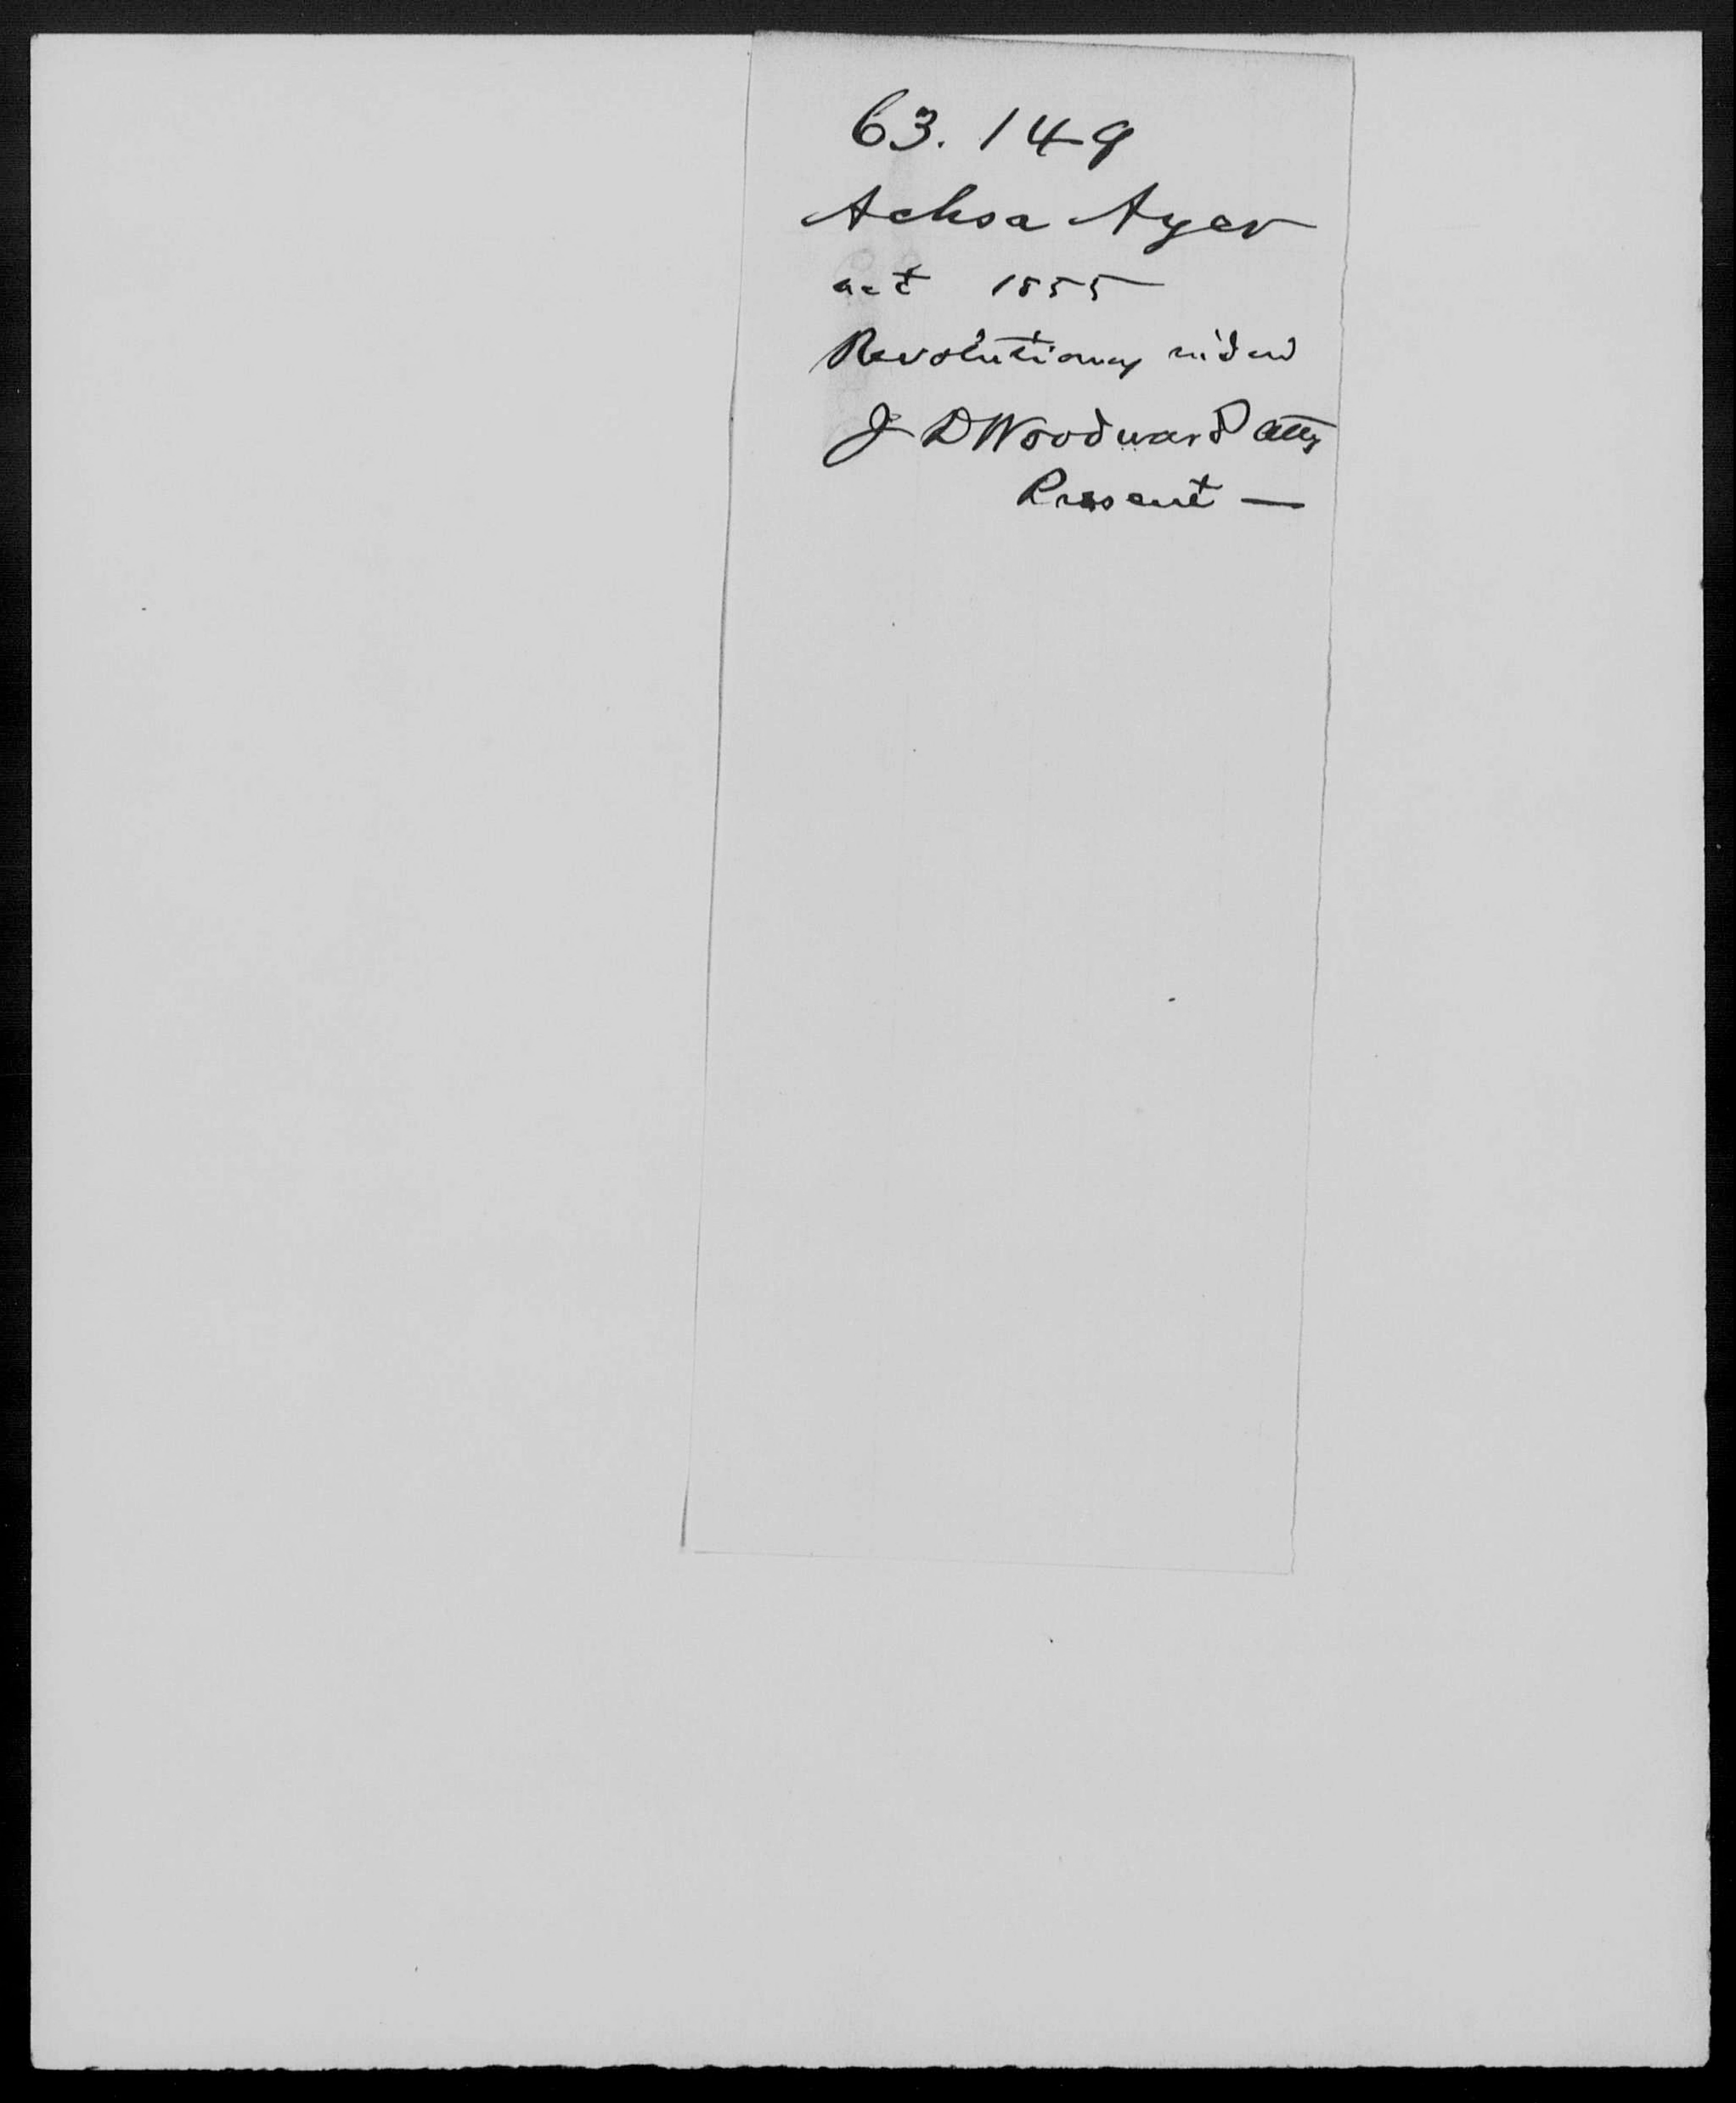63,149
Achsa Ayer
act 1855
Revolutionary widow
J D Woodward Atty
Present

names: J D Woodward, Achsa Ayer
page: 25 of 50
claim: widow's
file: W. 8559, Ebenezer Ayer, Continental (Conn)